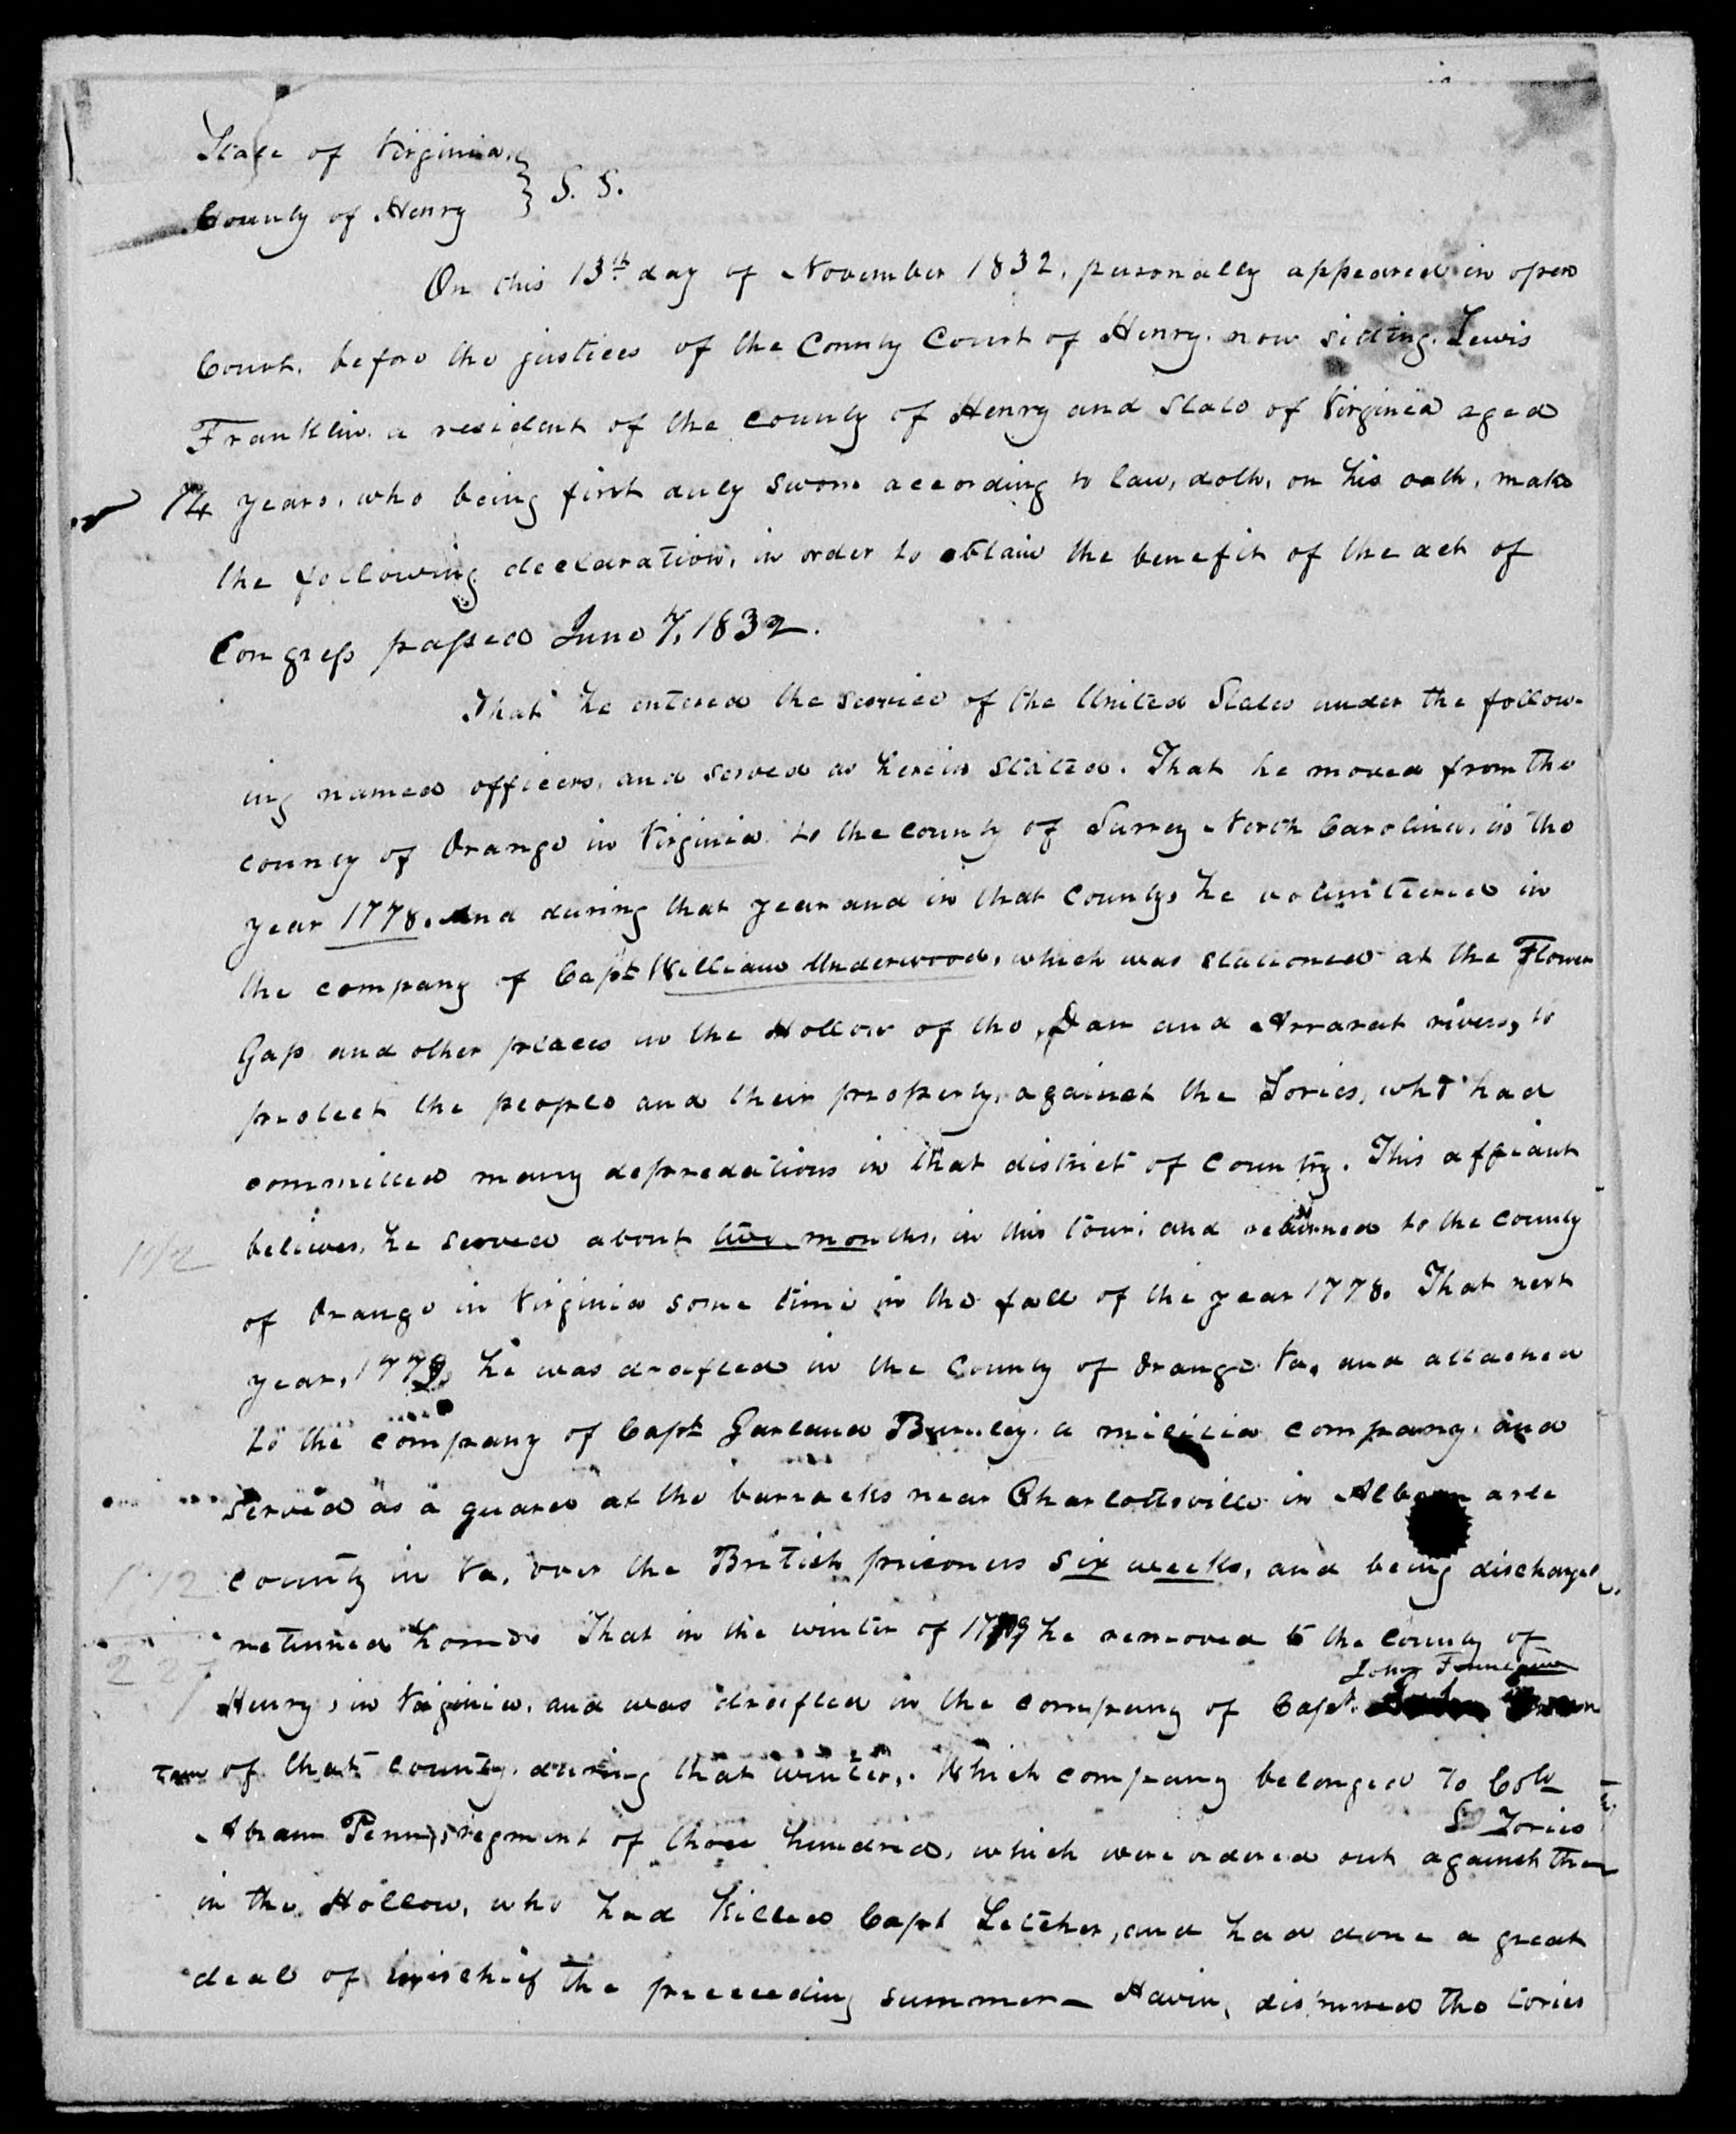State of Virginia} 
County of Henry} S.S. 
On this 13th day of November 1832, personally appeared in open Court before the justices of the County Court of Henry now sitting Lewis 
Franklin a resident of the County of Henry and State of Virginia aged 
74 years, who being first duly sworn according to Law, doth on his oath, make 
the following declaration, in order to obtain the benefit of the act of 
Congress passed June 7, 1832. 
That he entered the service of the United States under the follow-
ing named officers and served as herein stated. That he moved from the 
county of Orange in Virginia to the County of Surry North Carolina in the 
year 1778. And during that year and in that County, he volunteered in 
the company of Capt William Underwood, which was stationed at the Flower 
Gap [in present Patrick County VA] and other places in the Hollow of the Dan and Arrarat [sic: Ararat] rivers, to 
protect the people and their property against the Tories, who had 
committed many depredations in that district of country. This affiant 
believes he served about [underline]two months [/underline], in this tour, and returned to the county 
of Orange in Virginia some time in the fall of the year 1778. That next 
year, 1779 he was drafted in the County of Orange Va. and attached 
to the company of Capt. Garland Burnley, a militia company, and 
served as a guard at the barracks near Charlottesville in Albemarle 
County in Va. over the British prisoners [captured at Saratoga 17 Oct 1777] [underline] six weeks [/underline], and being discharged
returned home. That in the winter of 1779 he removed to the County of 
Henry, in Virginia, and was drafted in the company of Capt. [name blotted out] ^John Fonntaine 
of that county, during that winter, Which company belonged to Colo 
Abram Penns regiment of three hundred, which were ordered out against the ^Tories
in the Hollow, who had killed Capt Letcher [William Letcher, murdered 2 Aug 1780], and had done a great 
deal of mischief the preceeding summer. Having disarmed the Tories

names: Letcher, Garland Burnley, James Fountain, William Underwood, Lewis Franklin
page: 3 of 20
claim: survivor's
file: S. 8519, Lewis Franklin, N.C. Va.